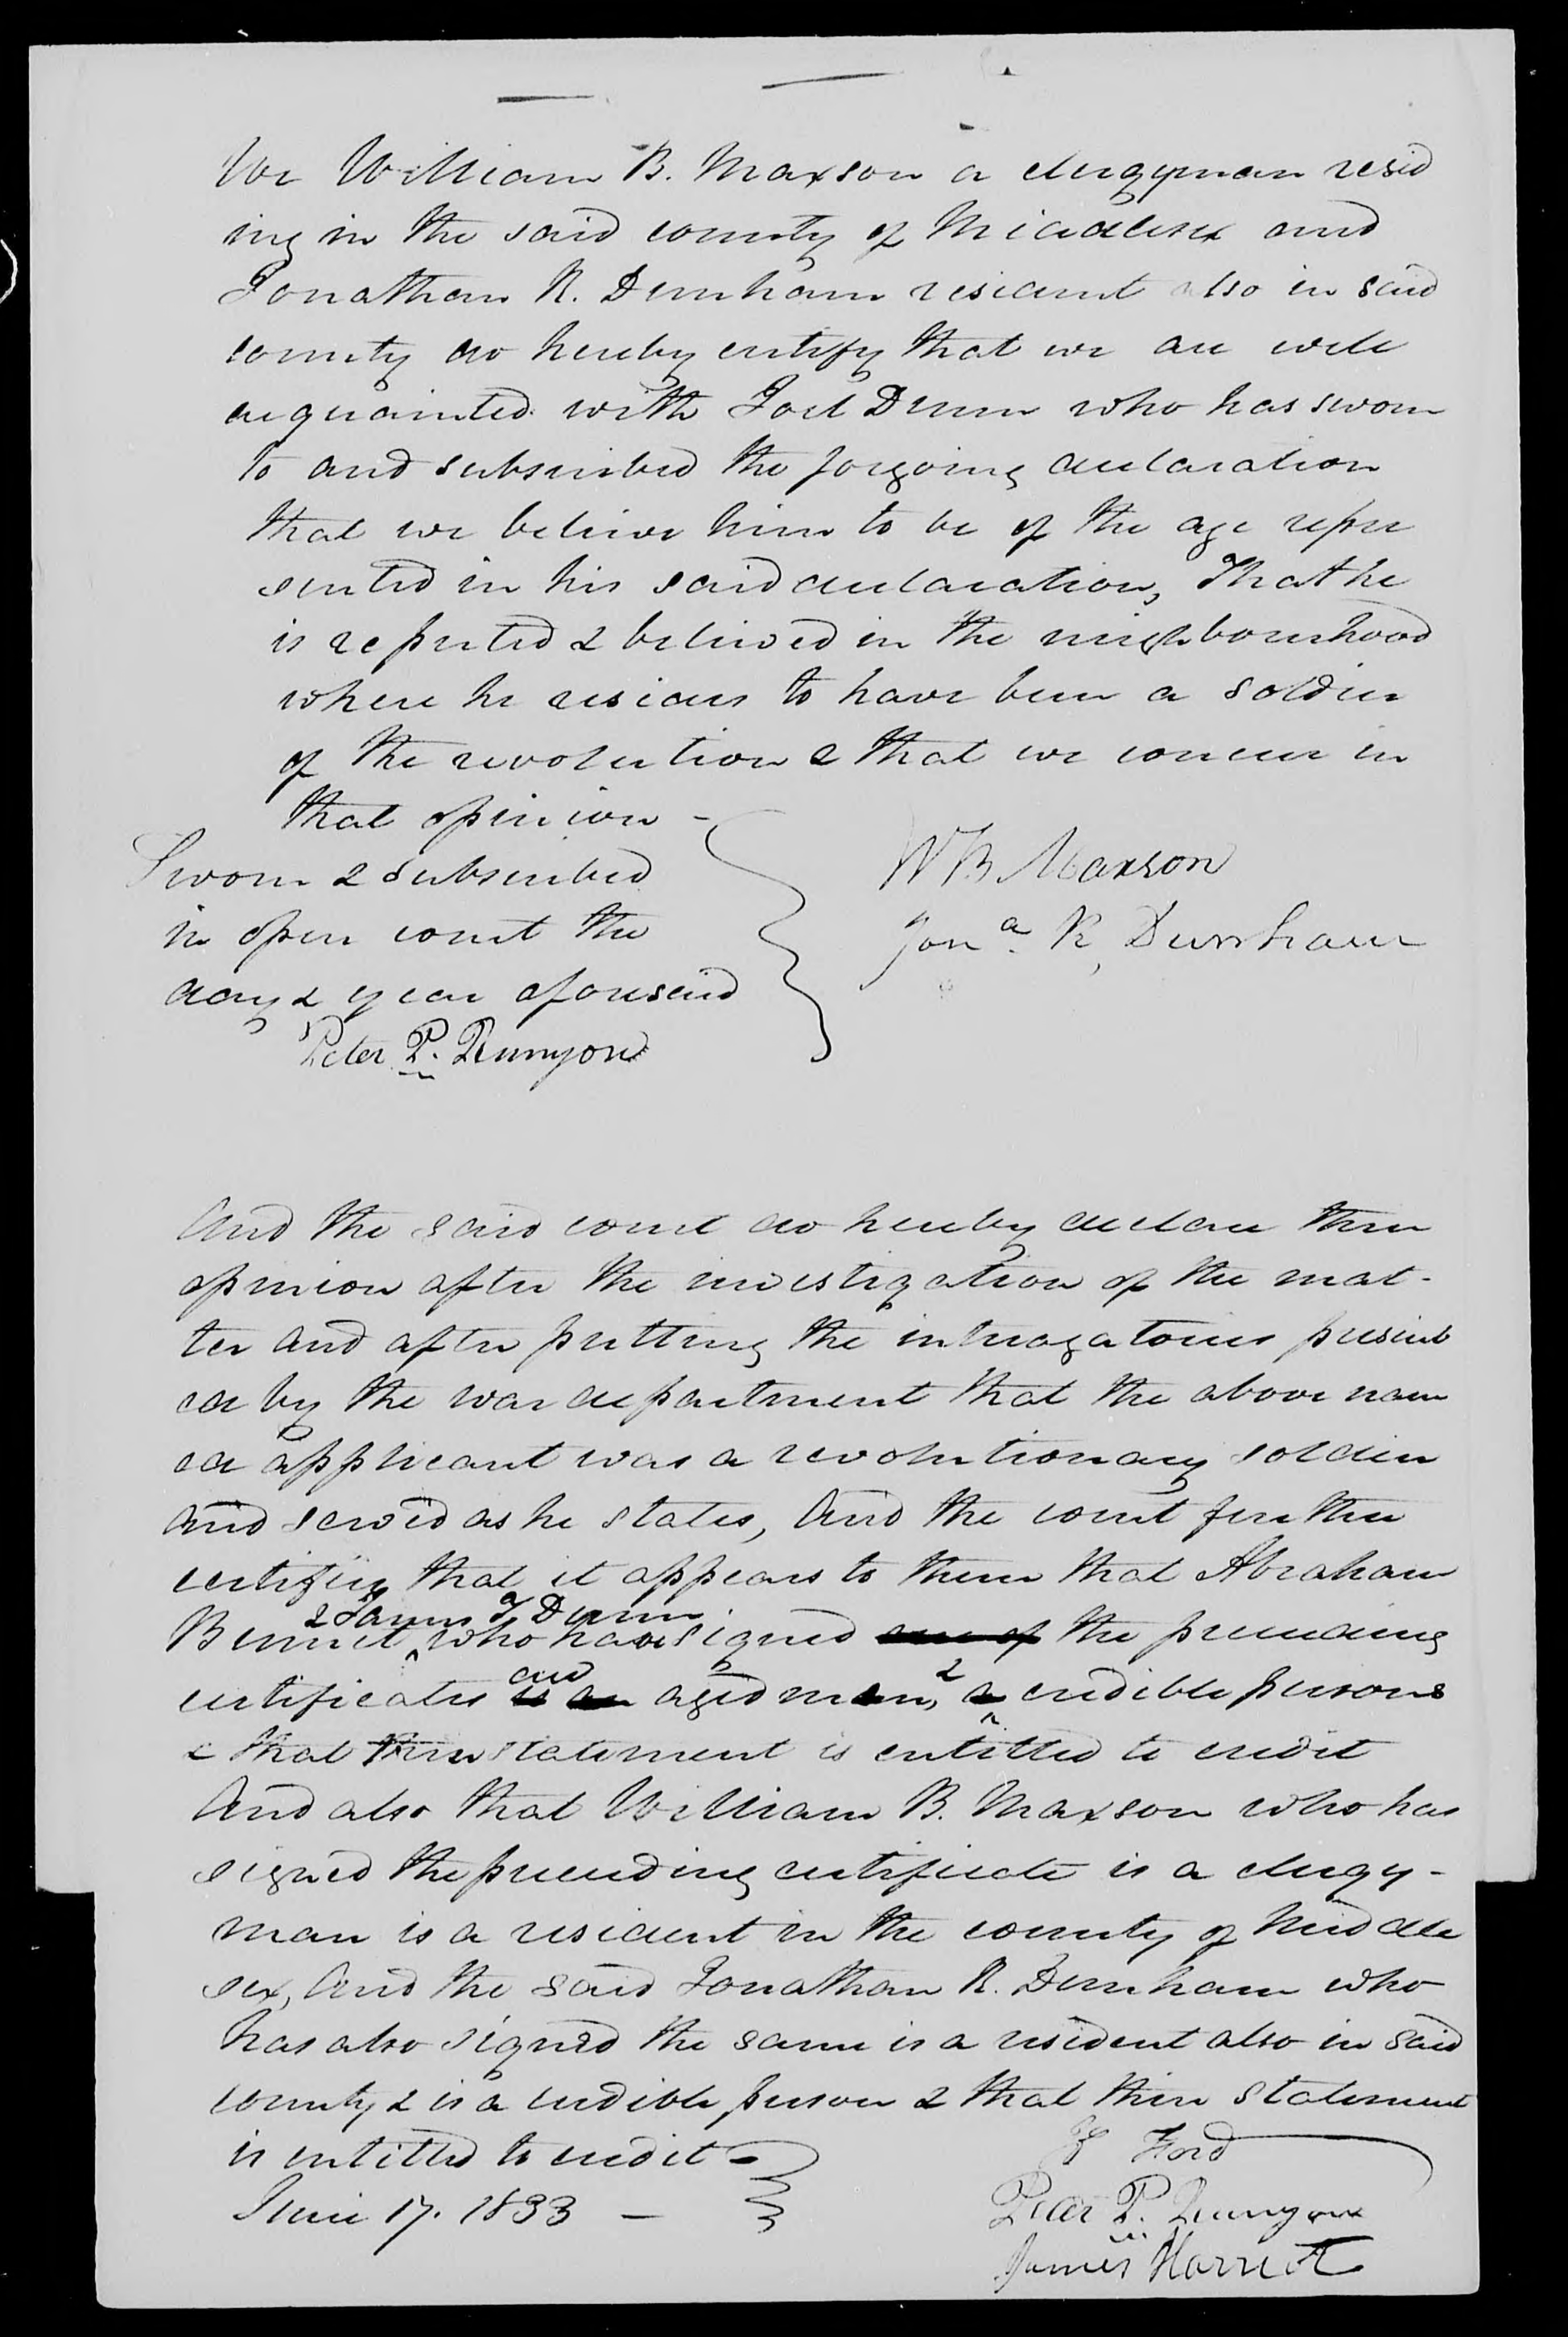Mr William B. Maxson a Clergyman residing in the said County of Middlesex and Jonathan R. Dunham resident also in said County do hereby certify that we are well acquainted with Joel Dunn who has sworn to and subscribed the foregoing declaration that we believe him to be of the age represented in his said declaration, That he is reputed & believed in the neighbourhood where he resides to have been a soldier of the revolution that we concur in
that opinion
W B Maxson
Jona. R Dunham

Sworn & Subscribed
in open court the
day & year aforesaid
Peter P. Runyon

And the said Court do hereby declare the
opinion after the investigation of the matter and after putting the interrogatories prescribed
by the war department that the above named
applicant was a revolutionary soldier and served as he states, and the court further certifies that it appears to them that Abraham Bennet & James T. Dunn who signed the preceding
certificates are aged men & credible persons & 
that their statement is entitled to credit. and also that William B. Maxson who has signed the preceding certificate is a clergyman is a resident in the County of Middlesex, and the said Jonathan R. Dunham who has also signed the same is a resident also in said County & is a credible person & that their statement is entitled to credit.
June 17, 1833
J. Ford
Peter P. Runyon
James Harriot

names: William R Maxson, William B Maxson, Jona R Dunham, W B Maxson, Peter P Runyon, James Harriot, Peter P Runyon, Joel Dunn, Abraham Bennet, Jonathan R Dunham, James T Dunn, Jonathan R Dunham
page: 38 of 52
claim: widow's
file: W. 919, Joel Dunn, New Jersey